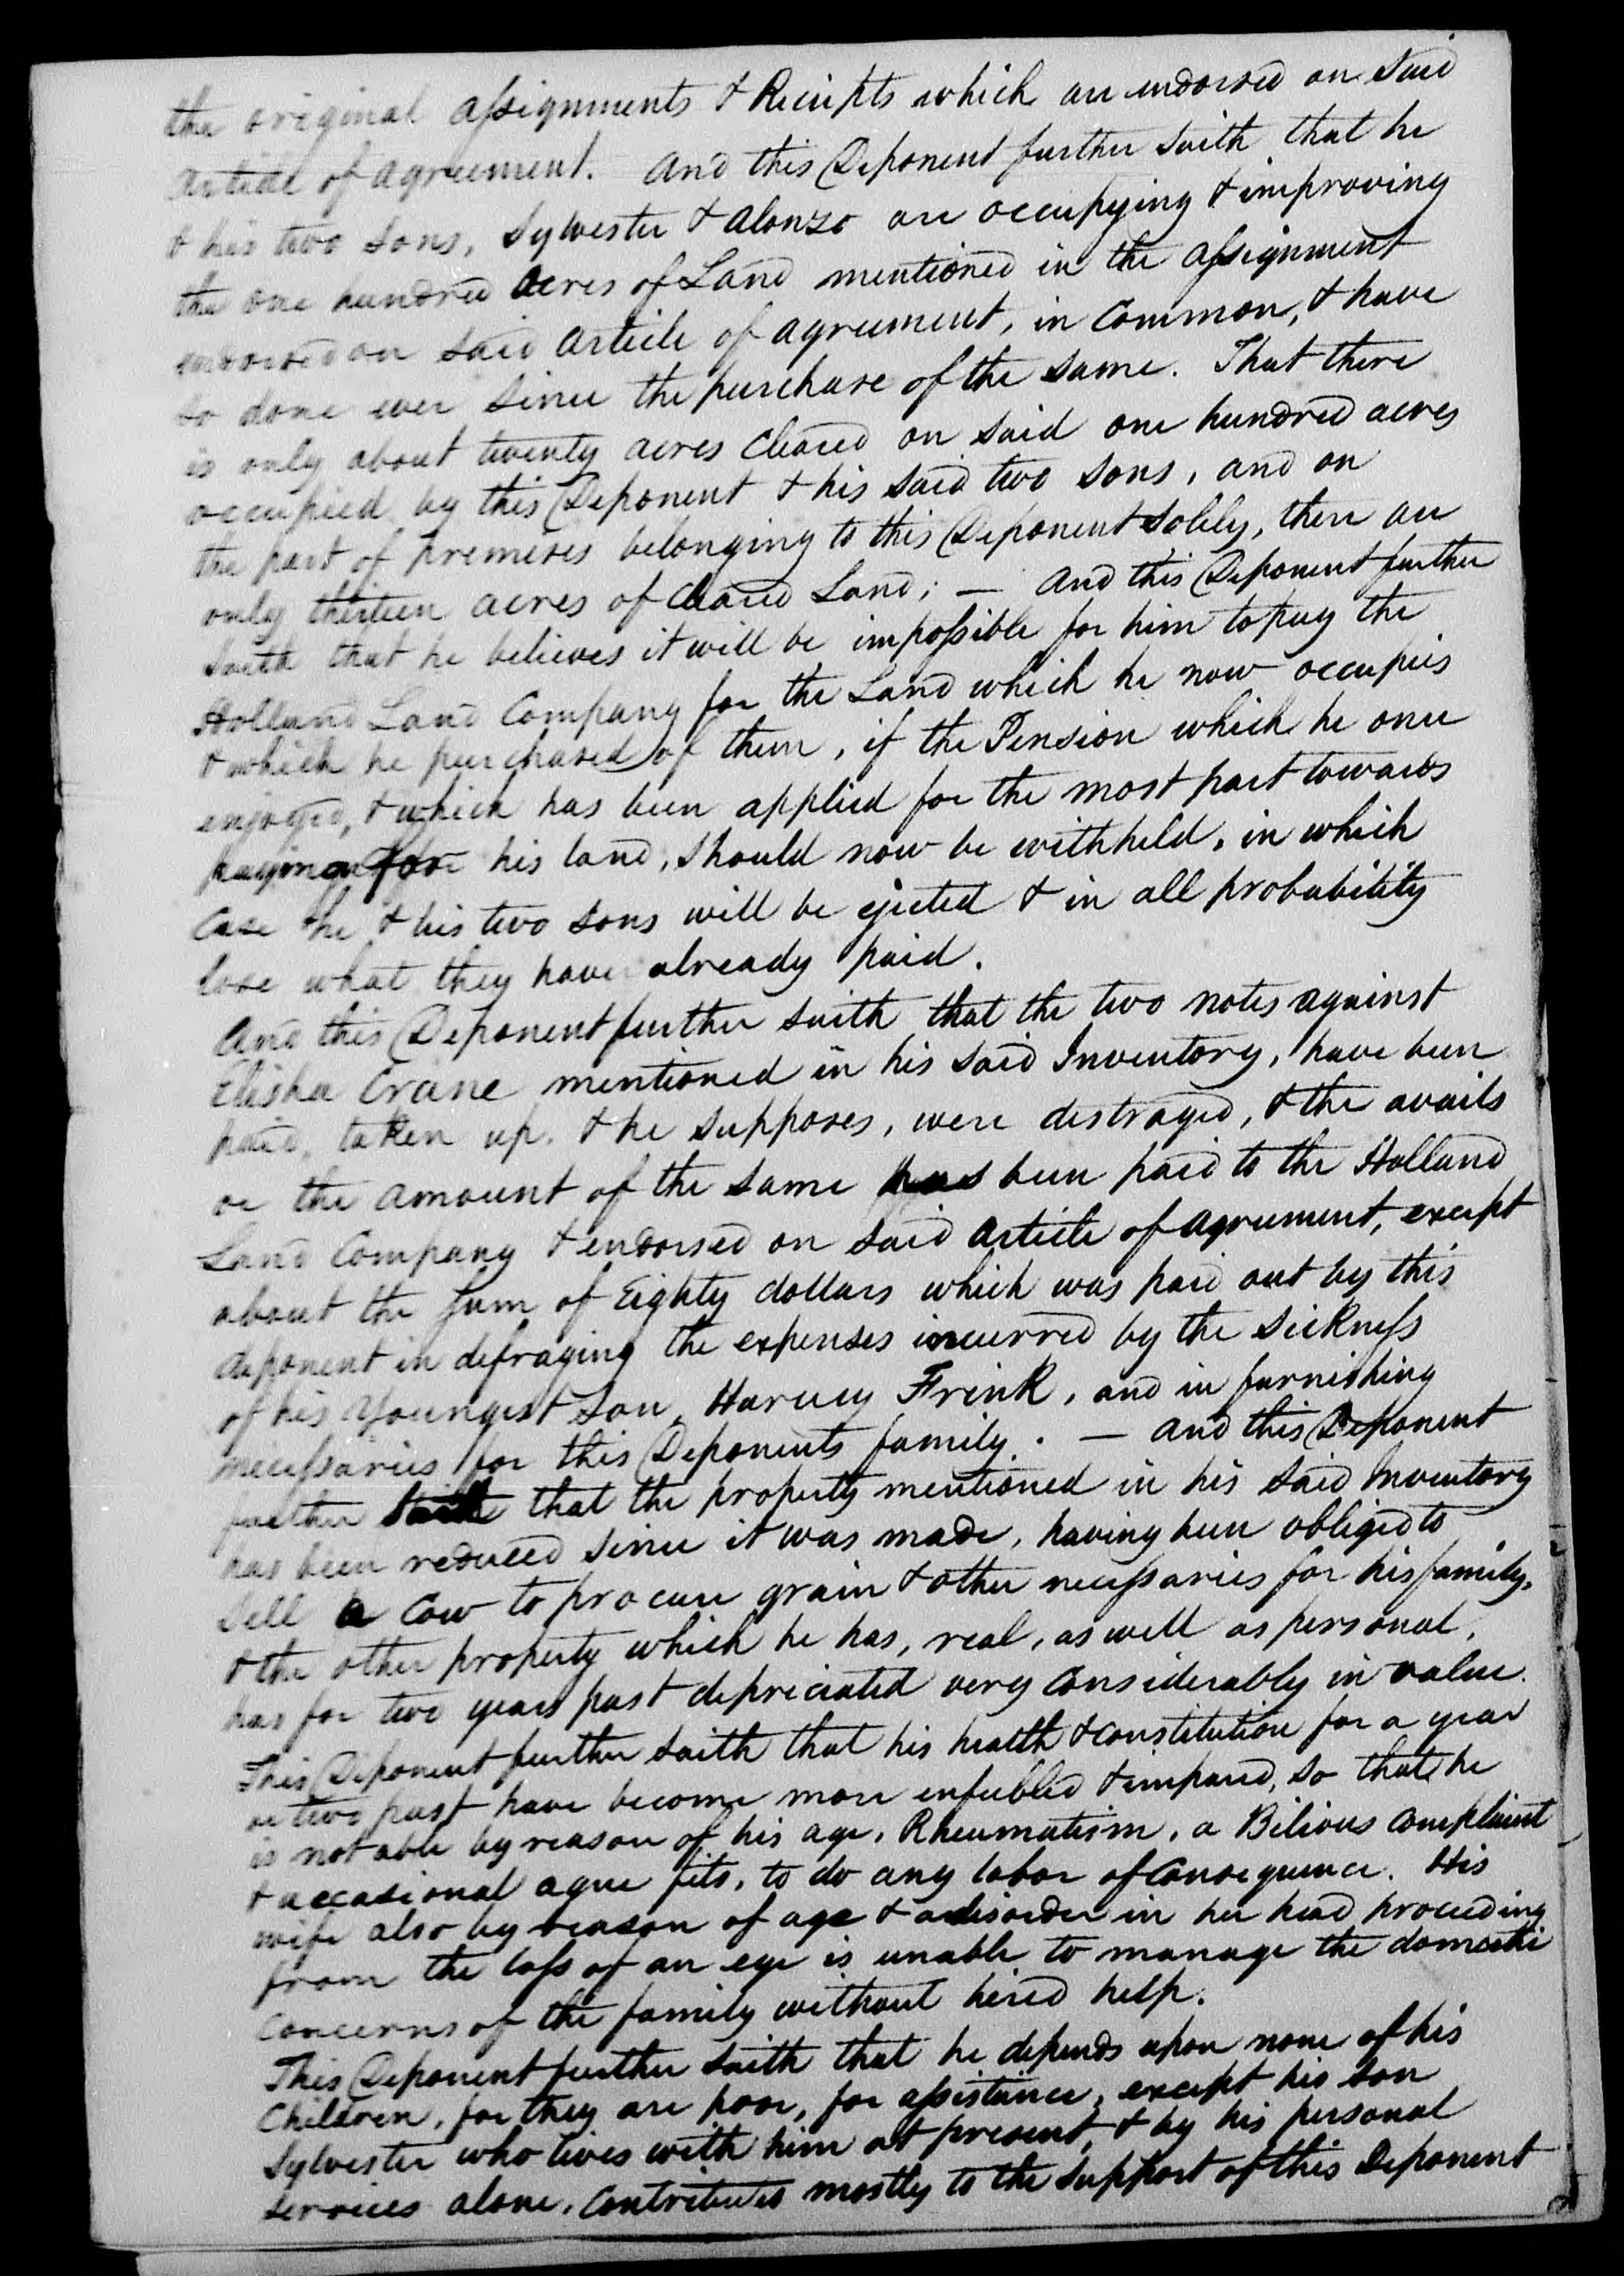the original assignments & receipts which are endorsed answer Article of Agreement. And this deponent further saith that he & his two sons, Sylvester & Alonzo are occupying & improving the one hundred acres of land mentioned in the assignment endorsed on said article of Agreement, in common, & have so done ever since the purchase of the same. That there is only about twenty acres cleard on said one hundred acres occupied by this deponent & his said two sons, and on the part of premises belonging to this deponent [illegible], there are only thirteen acres of cleared land; and this deponent further saith that he believes it will be impossible for him to pay the Holland Land Company for the land which he now occupies & which he purchased of them, if the pension which he once enjoyed, & which has been applied for the most part towards payment for his land, should now be withheld, in which case he & his two sons will be ejected & in all probability lose what they have already paid.
And this deponent further saith that the two notes against Elisha Crane mentioned in his said inventory, have been paid, taken up & he suposses, were destroyed, & the avail or the amount of the same has been paid to the Holland Land Company & endorsed on said article of Agreement, except about the sum of eighty dollars which was paid out by this deponent in defraying the expenses incurred by the sickness of his youngest son, Harvey Frink, and in furnishing necessaries for this deponents family. And this deponent further saith that the property mentioned in his said inventory has been reduced since it was made, having been obliged to sell a cow to procure grain & other necessaries for his family, & the other property which he has, real, as well as personal, has for two years past depreciated very considerably in value. This deponent further saith that his health & constitution for a year or two past have become more infeebled & impared, so that he is not able by reason of his age, Rheumation, a Bilious complaint & occasional [illegible] fits, to do any labor of consequence. His wife also by reason of age & disorder in her head proceeding from the loss of an eye is unable to manage the domestic concerns of the family without hired help.
This deponent further saith that he depends upon none of his children, for they are poor, for assistance, except his son Sylvester who lives with him at present, & by his personal services alone, contributes mostly to the support of this deponent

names: Elisha Crane, Harvey Frink, Alonzo, Sylvester, Sylvester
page: 20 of 33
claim: survivor's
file: S 43571, Thomas Frink, Mass.